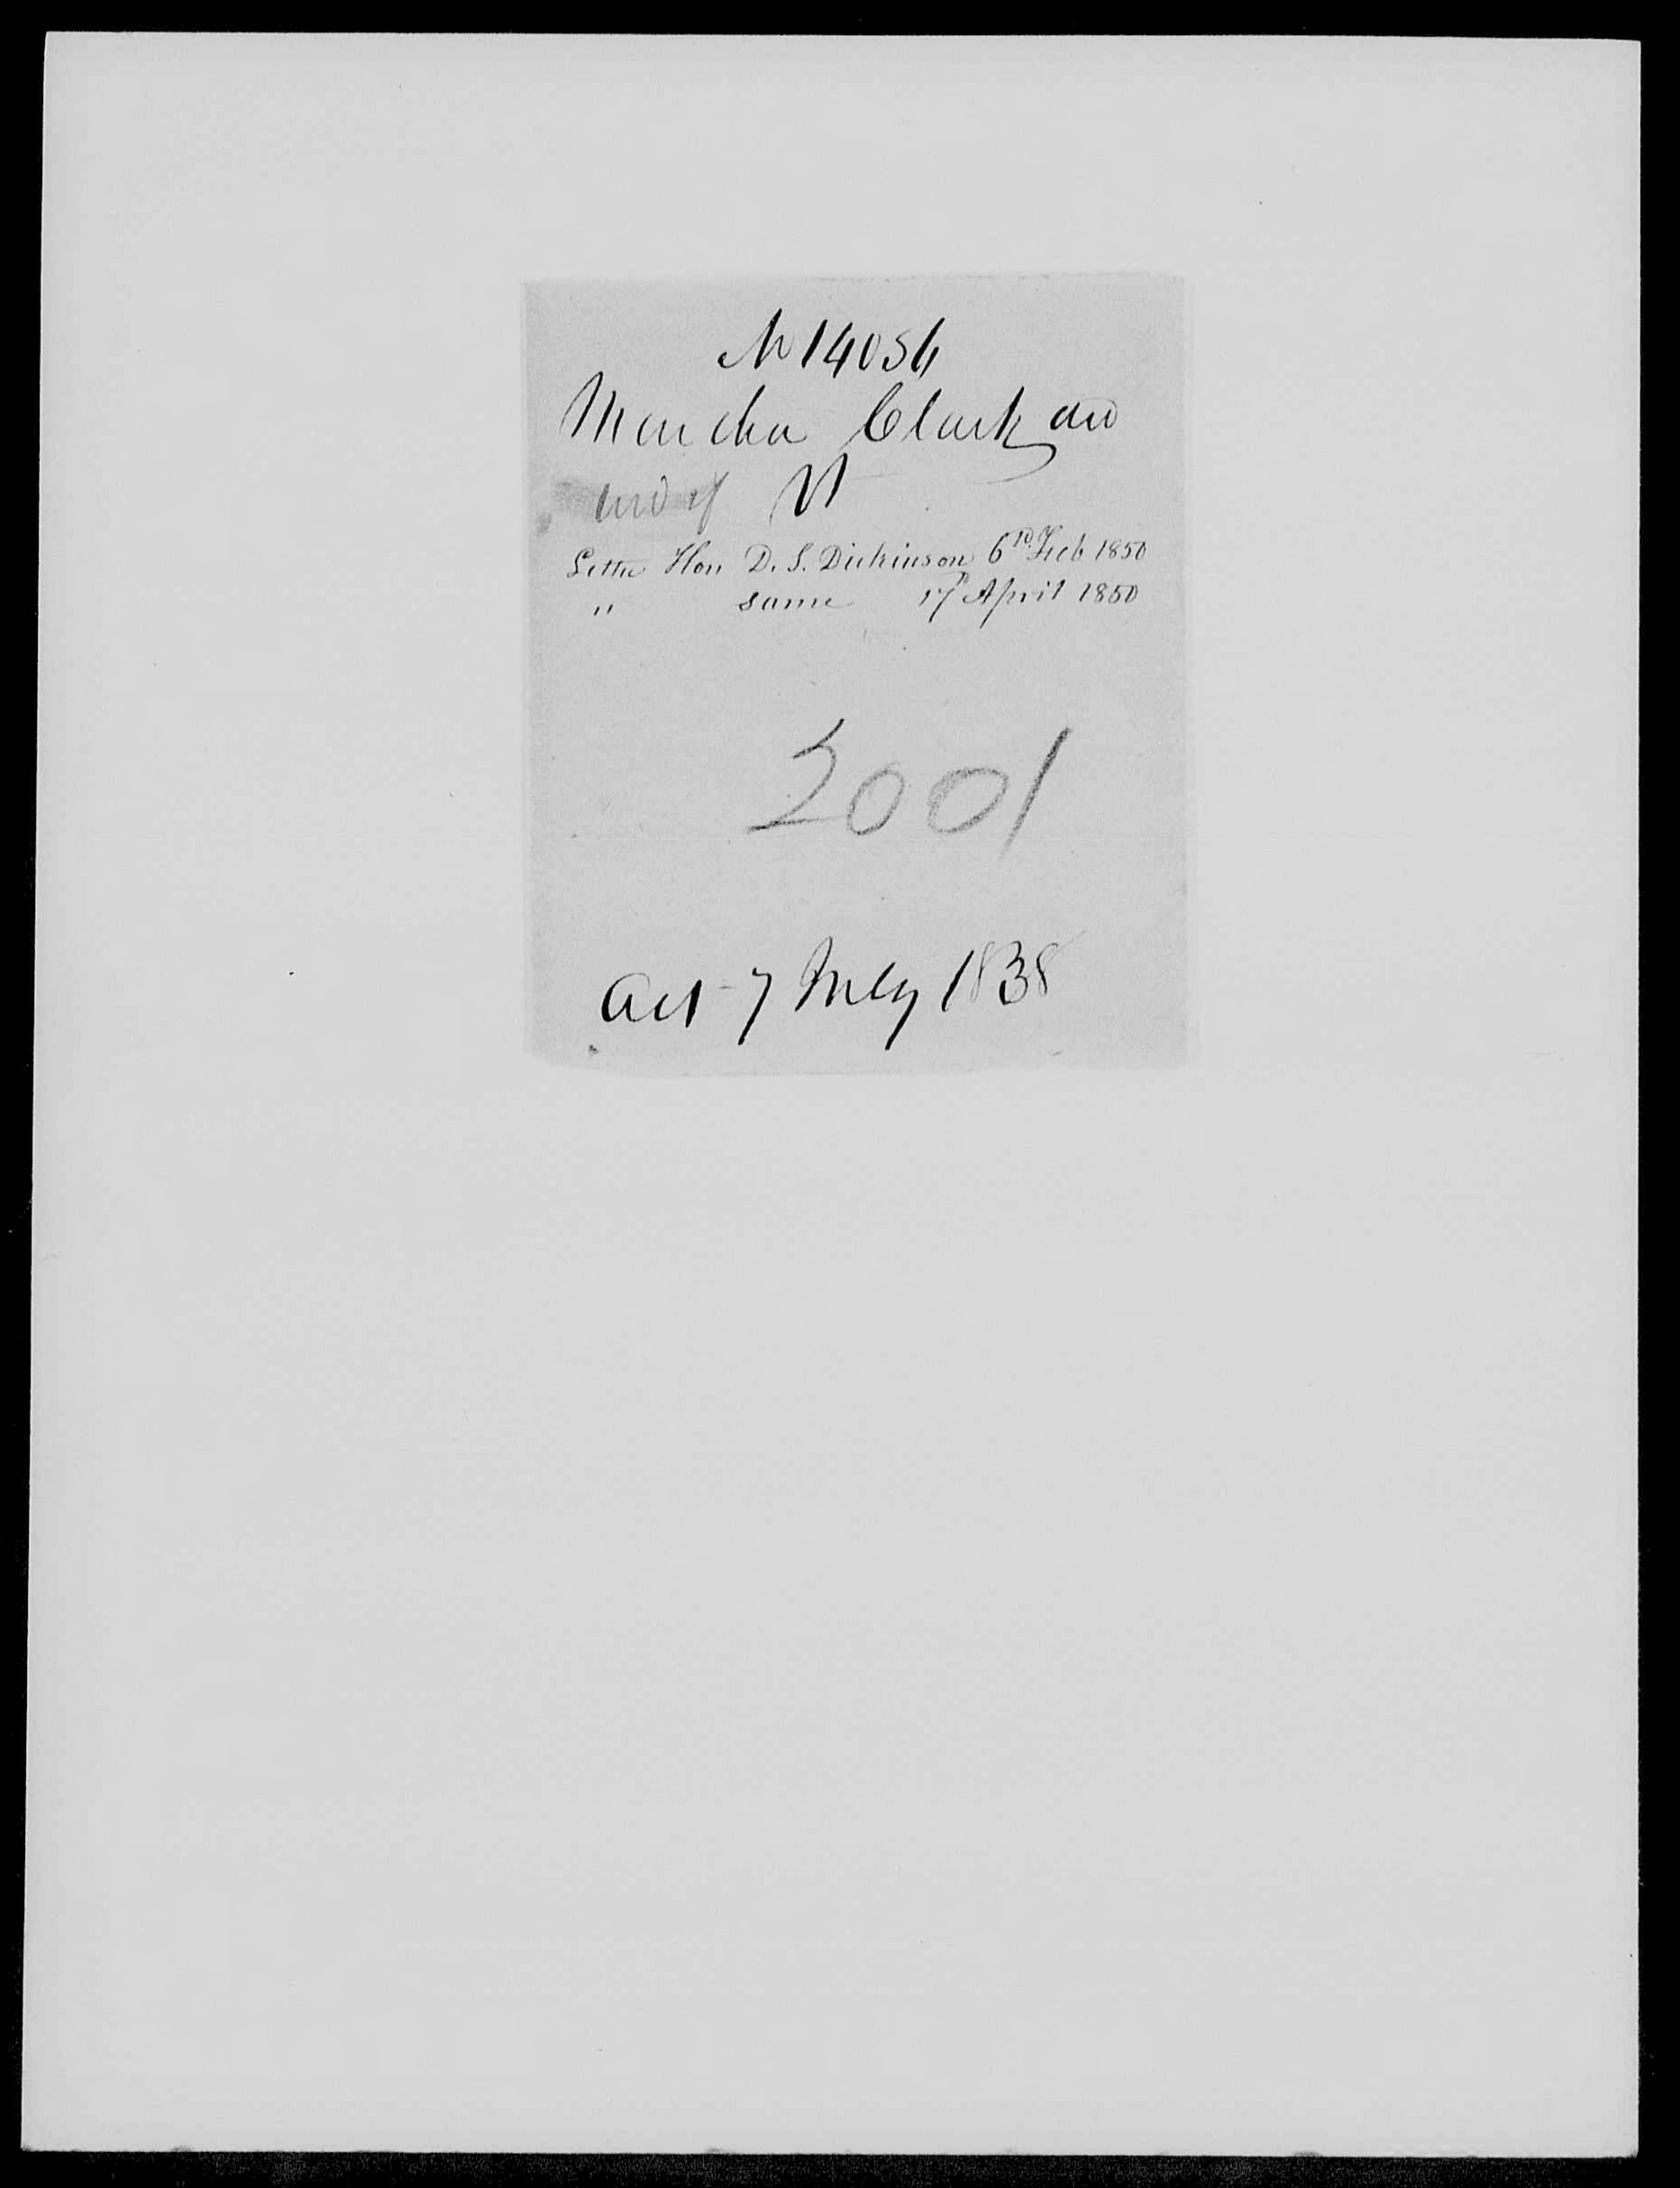N14054

Martha Clark and 

 Wo     of M


Sethe   Hon  D.S. Dirkinson 6th Feb 1850
''    Same of April 1850






2001

au 7 July 1838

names: Martha Clark, D S Dickinson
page: 8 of 26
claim: rejected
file: R. 2001, Jonathan Clark, Conn.